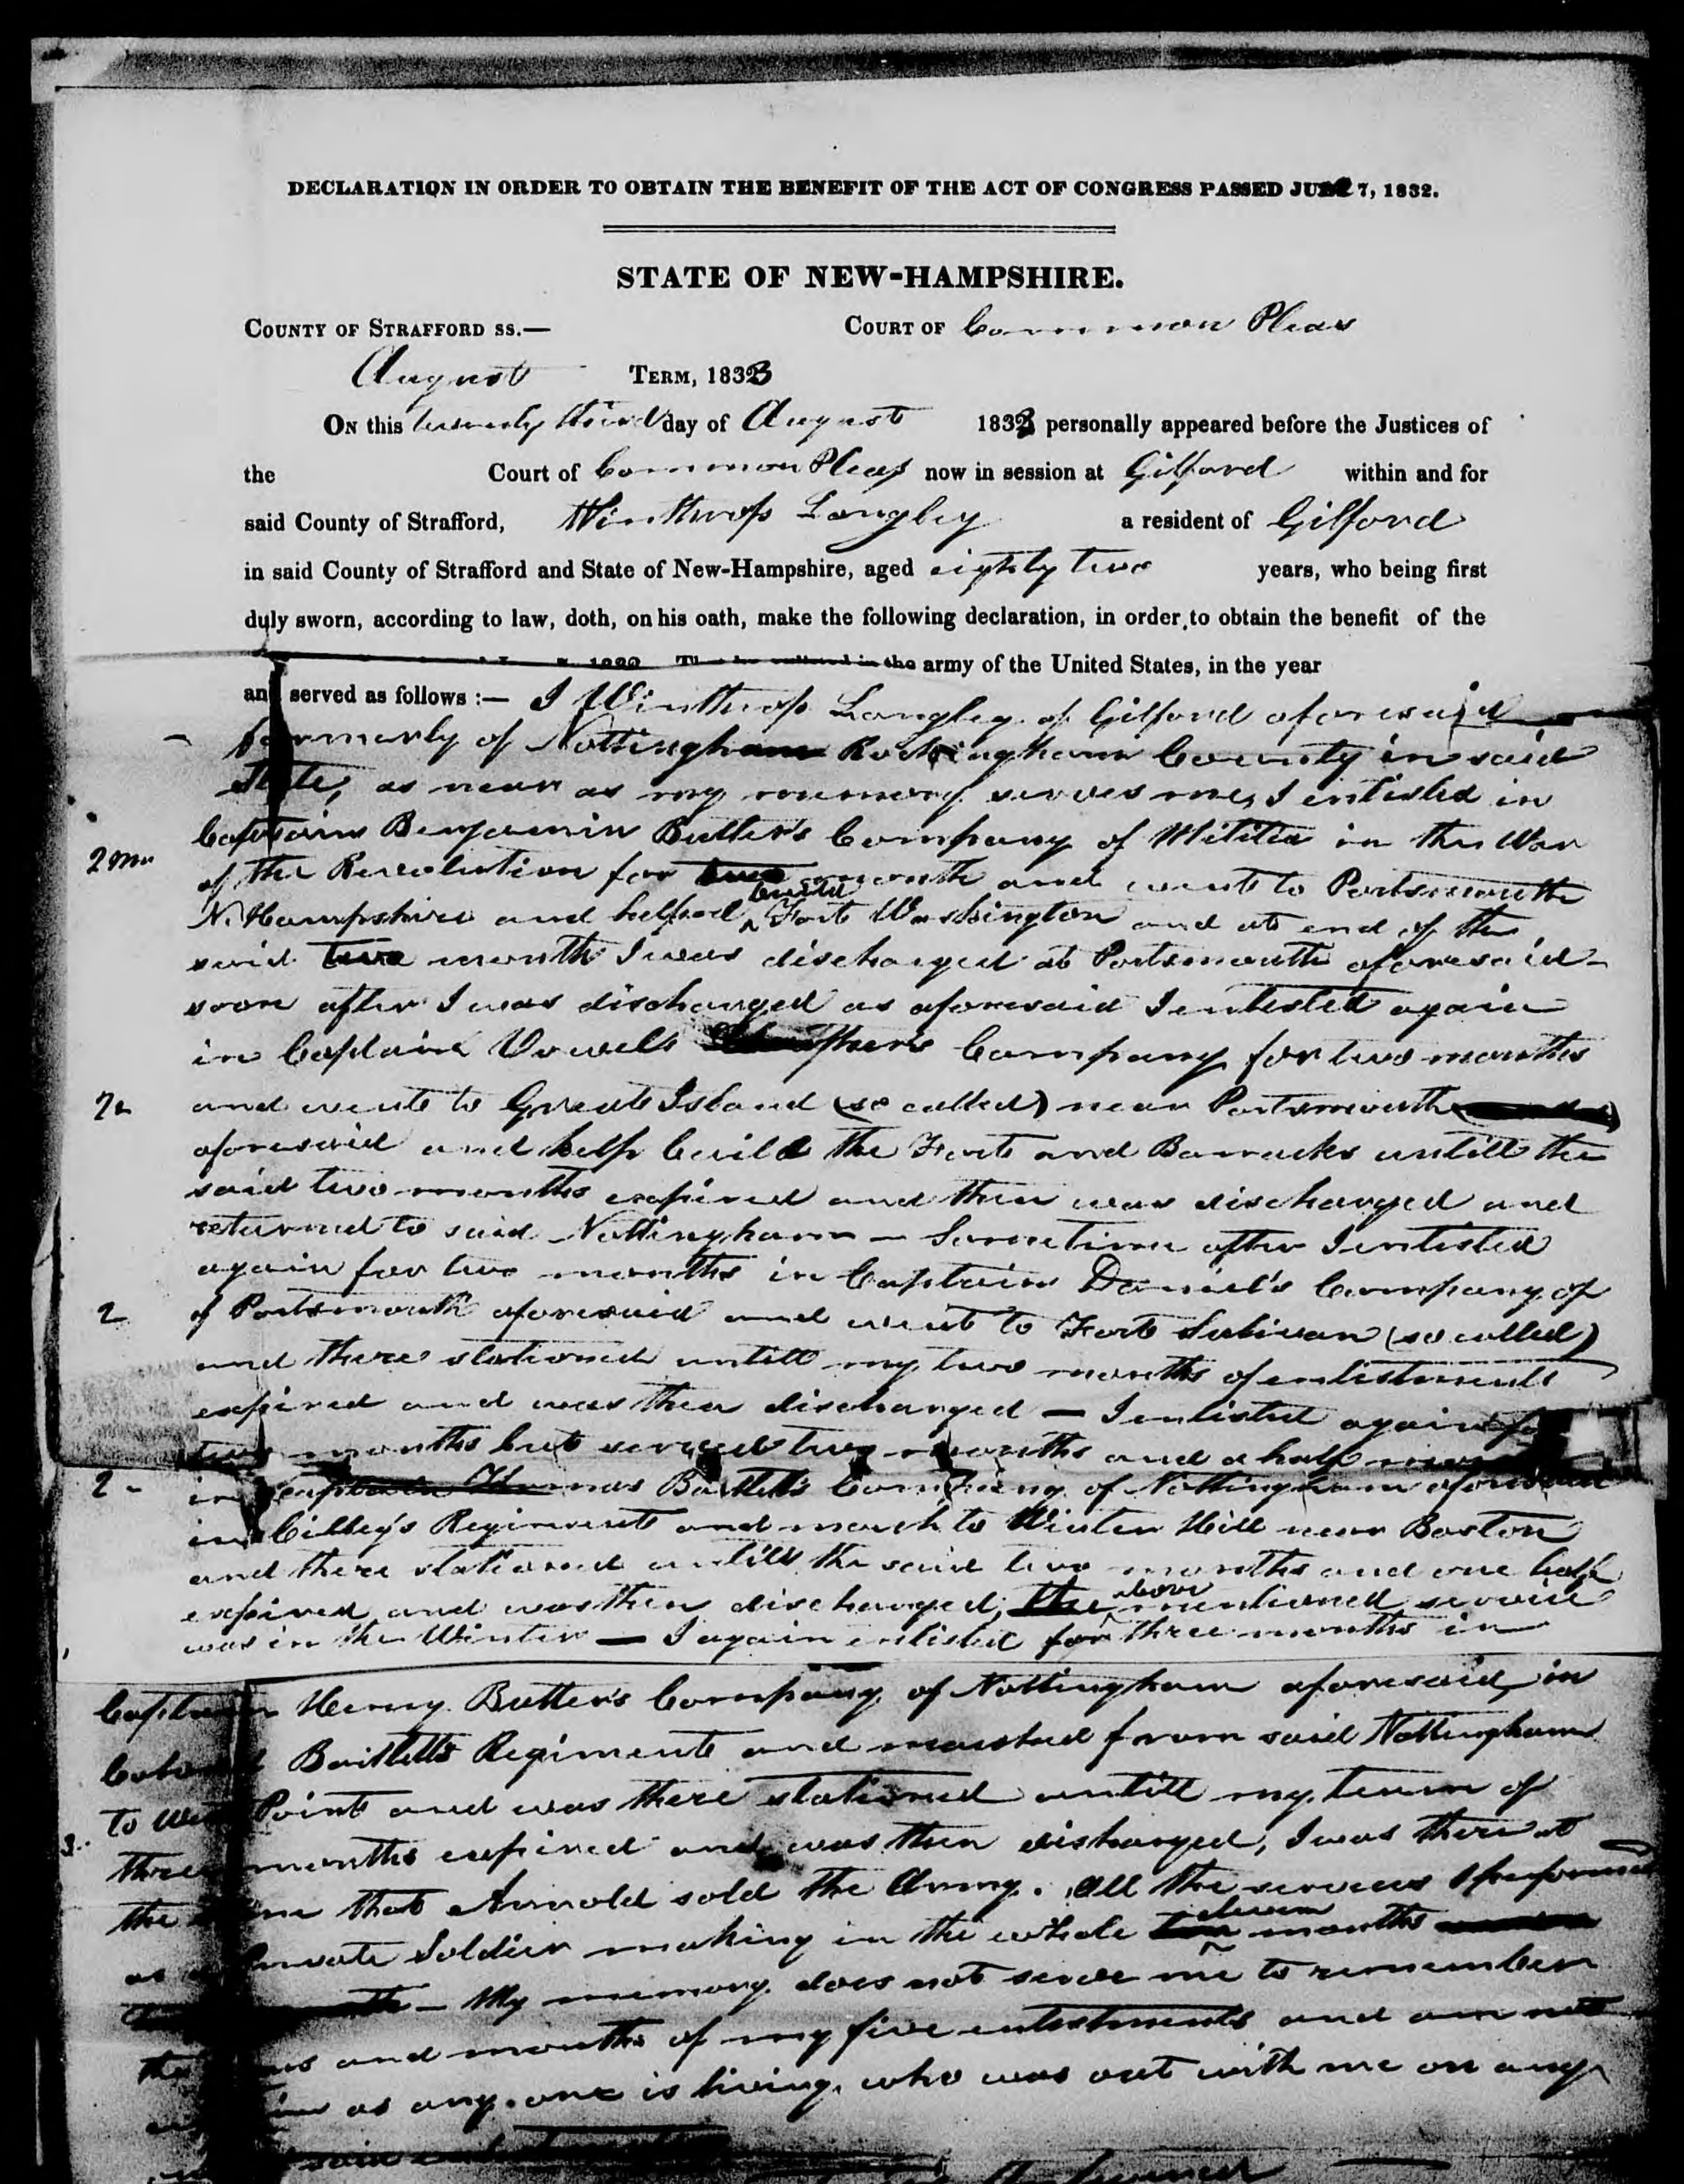DECLARATION IN ORDER TO OBTAIN THE BENEFIT OF THE ACT OF CONGRESS PASSED JUNE 7, 1832.

STATE OF NEW-HAMPSHIRE.

COUNTY OF STRAFFORD SS. --
COURT OF Common Pleas

August TERM, 1833

On this 23rd day of August 1833 personally appeared before the Justices of the Court of Common Pleas now in session at Gilford within and for said County of Strafford, Winthrop Langley, a resident of Gilford in said County of Strafford and State of New-Hampshire, aged eighty two years, who being first duly sworn, according to law, doth, on his oath, make the following declaration, in order to obtain the benefit of the act of Congress passed June 7, 1832.  That he was in the army of the United States, in the year ___ and served as follows:

I Winthrop Langley of Gilford aforesaid formerly of Nottingham Rockingham County in said
State, as near as my memory serves me, I enlisted in Captain Benjamin Butler's Company of Militia in the War of the Revolution for two months and went to Portsmouth N Hampshire and helped build Fort Washington and at and of this, served two months, I was discharged at Portsmouth aforesaid. Soon after I was discharged as aforesaid I enlisted again in Captain Powell's Company for two months and went to Great Island (so called) near Portsmouth aforesaid and helped build the Fiort and Barracks untill the said two months expired and then was discharged and returned to said Nottingham.  Sometime after I enlisted again for two months in Captain Daniel's Company of Portsmouth aforesaid and went to Fort Sullivan (so called) and there stationed untill my two months of enlistment expired and was then discharged.  I enlisted again for two months but served two months and a half [illegible] Bartlett's Company of Nottingham aforesaid in Gilley's Regiment and marched from said Nottingham to West Point and was there stationed untill my term of three months expired and was then discharged.  I was there at the time that Arnold sold the Army.  All the services I performed as a private soldier making in the whole, eleven months.  My memory does not serve me to remember [illegible] of my five enlistments and am [illegible] of any one is living who was out with me on any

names: [BLANK] Arnold; Winthrop Langley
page: 6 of 7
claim: survivor's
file: S. 22874, for Winthrop Langley, New Hampshire